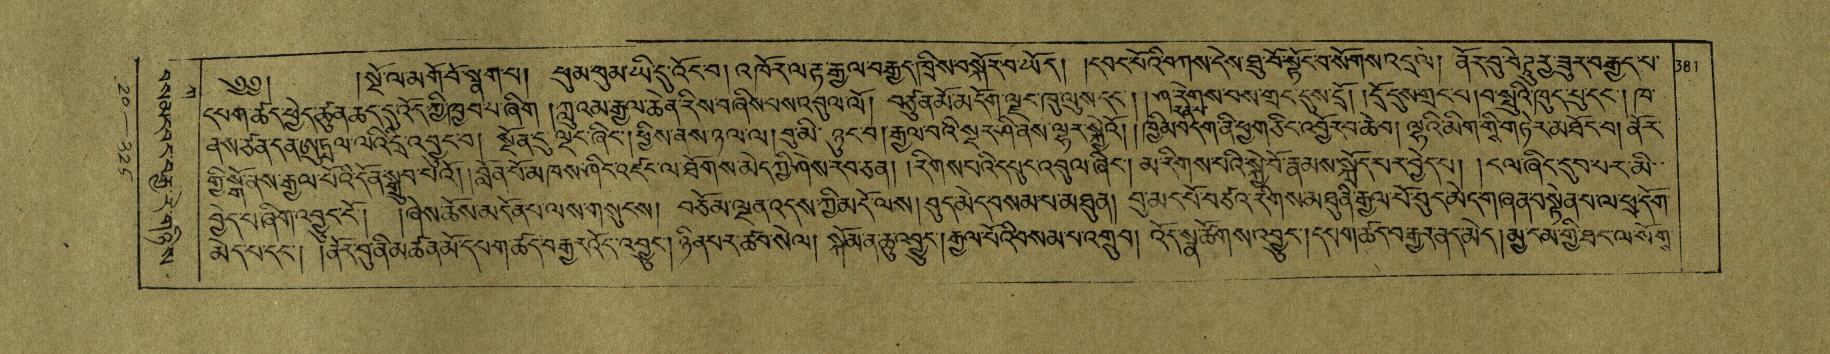༄༅། །སྔོ་ལ་མགོ་བོ་སྣག་པ། ཕུམ་ཕུམ་ཡི་དུ་འོང་བ། འཁོར་ལ་རྟ་རྒྱལ་བརྒྱད་ཁྲིས་བསྐོར་བ་ཡོད། །དབང་པོའི་བཀས་དེས་ཐུ་བོ་སྟོང་བ་སོགས་འདྲ་ལ། ནོར་བུ་བེཌཱུརྱ་ཟུར་བརྒྱད་པ་
དཔག་ཚད་ཕྱེད་ཚུན་ཆད་དུ་འོད་ཀྱི་ཁྱབ་པ་ཞིག །ཀླུ་འམ་རྒྱལ་ཆེན་རིས་བཞིས་པས་འབུལ་ལོ། བཙུན་མོ་མདོག་ལྗང་ཁུ་ལུས་དང་། །ཤ་རེགས་བས་གྲང་དུས་དྲོ། །དྲོ་དུས་གྲང་པ། བ་སྤུའི་ཁུད་པུ་དང་། ཁ་
ནས་ཙན་དན་ཨུཏྤལ་ལའི་དྲི་འབྱུང་བ། སྔོན་དུ་ལྡང་ཞིང་། ཕྱིས་ནས་ཉལ་ལ། བུ་མི་ཉུང་བ། རྒྱལ་བའི་སྔར་ཤི་ནས་ལྷར་སྐྱེའོ། །ཁྱིམ་བདག་ནི་ཕྱག་ཅིང་འབྱོར་བ་ཆེ་བ། ལྷའི་མིག་གིས་གཏེར་མཐོང་བ། ནོར་
གྱི་སྒོ་ནས་རྒྱལ་པོའི་དོན་སྒྲུབ་པའོ། །བློན་པོ་མཁས་ཤིང་འཛང་ལ་ཐོགས་མེད་ཀྱི་ཤེས་རབ་ཅན། །རིགས་པའི་དཔུང་འབུལ་ཞིང་། མ་རིགས་པའི་སྐྱེ་བོ་རྣམས་སྐྲོད་པར་བྱེད་པ། །ངལ་ཞིང་དུབ་པར་མི་
བྱེད་པ་ཞིག་འབྱུང་ངོ། །ཞེས་ཆོས་མངོན་པ་ལས་གསུངས། བཅོམ་ལྡན་འདས་ཀྱི་མདོ་ལས། བུད་མེད་བསམ་པ་མཐུན། བུ་མང་པོ་བཙའ་རིགས་མཐུནི་རྒྱལ་པོ་བུད་མེད་གཞན་བསྟེན་པ་ལ་ཕྲ་དོག་
མེད་པ་དང་། །ནོར་བུ་ནི་མཚན་མོ་དཔག་ཚད་བརྒྱར་འོད་འབྱུང་། ཉིན་པར་ཚ་བ་སེལ། སྐོམ་ན་ཆུ་འབྱུང་། རྒྱལ་པོའི་བསམ་པ་འགྲུབ། འོད་སྣ་ཚོགས་འབྱུང་། དཔག་ཚད་བརྒྱར་ནད་མེད། མྱ་དམ་གྱི་ཐང་ལ་སོགས་